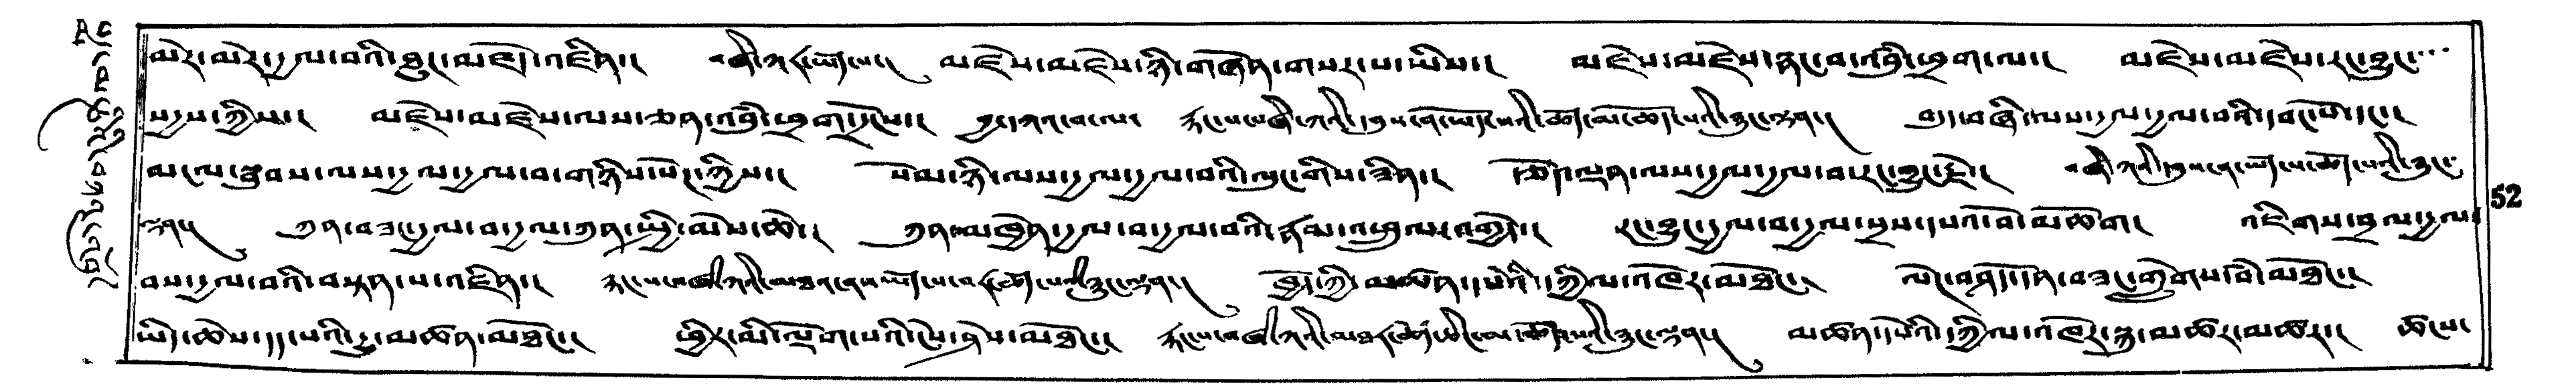།མེར་མེར་རྒྱལ་བའི་ཐུགས་མཛོད་འཛིན། ། བཞི་ཀར་ཡོད་པ། མཛེས་མཛེས་ཉི་གཞོན་གསར་པ་ཡིས། །མཛེས་མཛེས་སྣང་བ་འབུམ་ཕྲག་ལ། །མཛེས་མཛེས་རང་བྱུང་
སངས་རྒྱས་ཀྱིས། །མཛེས་མཛེས་ལས་ཅན་འབུམ་ཕྲག་དྲངས། ། བྱ་དཀའ་བ་ལ། རྐང་པ་བཞི་ཀའི་དབུས་ན་ཡོད་པའི་ཆོད་མ་ཆོད་པའི་ཟུང་ལྡན། བདུད་བཞི་ལས་རྒྱལ་རྒྱལ་བའི་དབང་པོ་དང་། །
མངལ་སྦུབས་ལས་རྒྱལ་རྒྱལ་བ་གཉིས་སོགས་ཀྱིས། །སོམ་ཉི་ལས་རྒྱལ་རྒྱལ་བའི་ལུང་གིས་ཟིན། །རྩོད་ལྡན་ལས་རྒྱལ་རྒྱལ་བ་རང་བྱུང་རྗེ། ། བཞི་ཀའི་དབུས་ན་ཡོད་པ་ཆོད་པའི་ཟུང་
ལྡན། ཀུན་བཟང་རྒྱལ་བ་རྒྱལ་ཀུན་སྤྱི་མེས་ཆེ། །ཀུན་མཁྱེན་རྒྱལ་བ་རྒྱལ་བའི་རྣམ་འཕྲུལ་འགྱེད། །རང་བྱུང་རྒྱལ་བ་རྒྱལ་སྲས་དཔའ་བོ་མཆོག འཇིགས་བྲལ་རྒྱལ་
བས་རྒྱལ་བའི་བསྟན་པ་འཛིན། རྐང་པ་བཞི་ཀའི་མཐའ་ནས་ཡོད་པ་བར་ཆོད་པའི་ཟུང་ལྡན། ཁྱོད་ཀྱི་མཚན་དཔེའི་དཀྱིལ་འཁོར་མཐོང་། །ལེགས་བཤད་དོན་བཟང་གླེགས་བམ་མཐོང་། །
ཡིད་ཆེས་དད་པའི་རྒྱུ་མཚན་མཐོང་། །ཕྱིར་མི་ལྡོག་པའི་ངེས་ཤེས་མཐོང་། །རྐང་པ་བཞི་ཀའི་མཐར་ཆོད་ཅིང་མ་ཆོད་པའི་ཟུང་ལྡན། མཚན་དཔེའི་དཀྱིལ་འཁོར་སྐུ་མཚར་མཚར། །ཚངས་